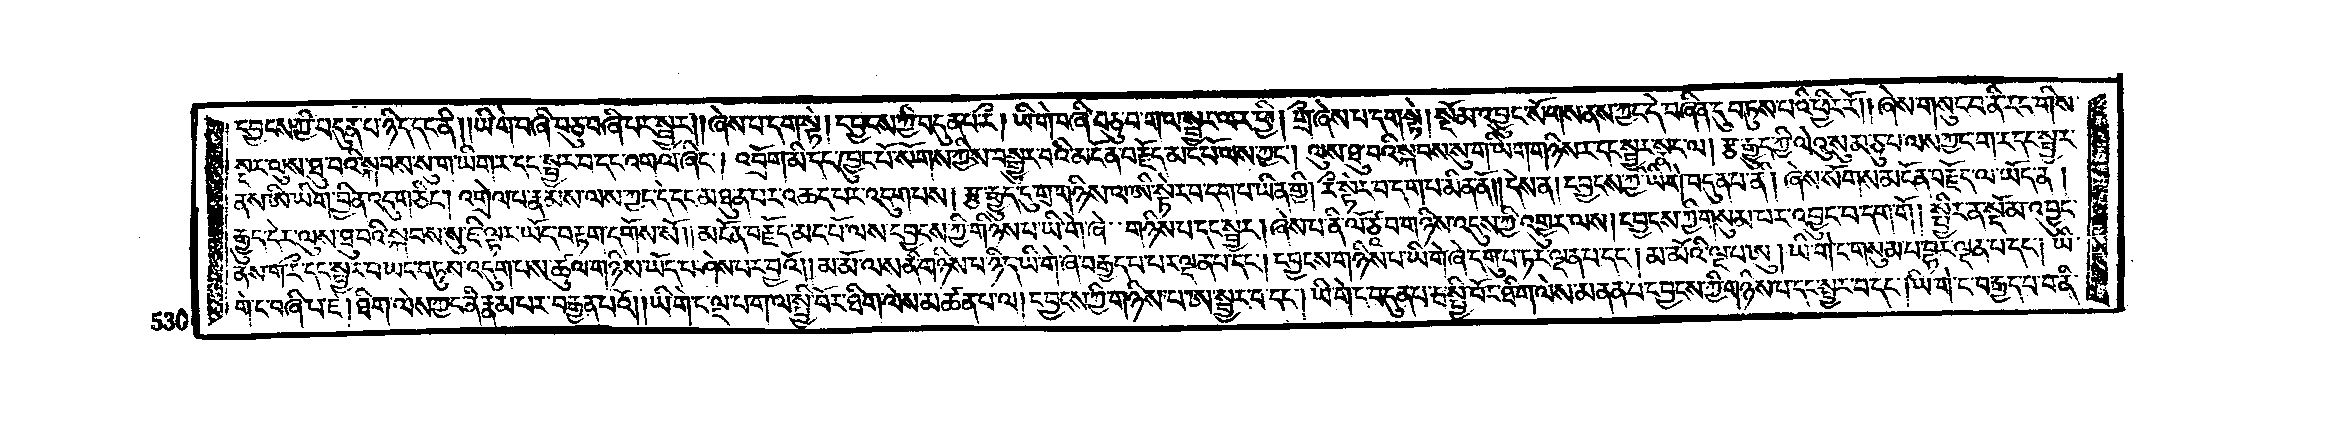དབྱངས་ཀྱི་བདུན་པ་ཉིད་དང་ནི། །ཡི་གེ་བཞི་བཅུ་བཞི་པར་སྦྱར། །ཞེས་པ་དག་སྟེ། དབྱངས་ཀྱི་བདུན་པ་རྀ། ཡི་གེ་བཞི་བཅུ་པ་ག་ལ་སྦྱར་ལ་ར་ཕྱི། གྲྀ་ཞེས་པ་དག་སྟེ། སྡོམ་འབྱུང་སོགས་ནས་ཀྱང་དེ་བཞིན་དུ་བཏུས་པའི་ཕྱིར་རོ། །ཞེས་གསུང་པ་ནི་རང་གིས་
སྔར་ལུས་ཐུ་བའི་སྐབས་སུ་ག་ཡིག་ར་དང་སྦྱར་བ་དང་འགལ་ཞིང་། འབྲོག་མི་དང་ཁྱུང་པོ་སོགས་ཀྱིས་བསྒྱུར་བའི་མངོན་བརྗོད་མང་པོ་ལས་ཀྱང་། ལུས་ཐུ་བའི་སྐབས་སུ་ག་ཡིག་གཉིས་ར་དང་སྦྱར་སྣང་ལ། རྩ་རྒྱུད་ཀྱི་ལེའུ་སུམ་ཅུ་པ་ལས་ཀྱང་ག་ར་དང་སྦྱར་
ནས་ཨི་ཡིག་བྱིན་འདུག་ཅིང་། འགྲེལ་པ་རྣམས་ལས་ཀྱང་དེ་དང་མཐུན་པར་འཆད་པར་འདུག་པས། རྩ་རྒྱུད་དུ་གྲ་གཉིས་ལ་ཨི་སྟེར་བ་དག་པ་ཡིན་གྱི། རྀ་སྟེར་བ་དག་པ་མིན་ནོ། །དེས་ན། དབྱངས་ཀྱི་ཡི་གེ་བདུན་པ་ནི། ཞེས་སོགས་མངོན་བརྗོད་ལ་ཡོད་ན།
རྒྱུད་དེར་ལུས་ཐུ་བའི་སྐབས་སུ་ཇི་ལྟར་ཡོད་བརྟག་དགོས་སོ། །མངོན་བརྗོད་མང་པོ་ལས་དབྱངས་ཀྱི་གཉིས་པ་ཡི་གེ་ཞེ་གཉིས་པ་དང་སྦྱར། ཞེས་པ་ནི་ལོ་རྩཱ་བ་གཉིས་འདུས་ཀྱི་འགྱུར་ལས། དབྱངས་ཀྱི་གསུམ་པར་འབྱུང་བ་དག་གོ །སྤྱིར་ན་སྡོམ་འབྱུང་
ནས་ག་རྀ་དང་སྦྱར་བ་ཡང་བཏུས་འདུག་པས་ཚུལ་གཉིས་ཡོད་པ་ཤེས་པར་བྱའོ། །མ་མོ་ལས་ནི་གཉིས་པ་ཉིད་ཡི་གེ་ཞེ་བརྒྱད་པ་པར་ལྡན་པ་དང་། དབྱངས་གཉིས་པ་ཡི་གེ་ཞེ་དགུ་པ་ཏར་ལྡན་པ་དང་། མ་མོའི་ལྔ་པ་ཨུ། ཡི་གེ་ང་གསུམ་པ་བྷར་ལྡན་པ་དང་། ཡི་
གེ་ང་བཞི་པ་ཛ་?། ཐིག་ལེས་ཀྱང་ནི་རྣམ་པར་བརྒྱན་པའོ། །ཡི་གེ་ང་ལྔ་པ་ག་ལ་སྤྱི་བོར་ཐིག་ལེས་མཚན་པ་ལ། དབྱངས་ཀྱི་གཉིས་པ་ཨ་སྦྱར་བ་དང་། ཡི་གེ་ང་བདུན་པ་རྦ་སྤྱི་བོར་ཐིག་ལེས་མནན་པ་དབྱངས་ཀྱི་གཉིས་པ་དང་སྦྱར་བ་དང་། ཡི་གེ་ང་བརྒྱད་པ་བ་ནི་